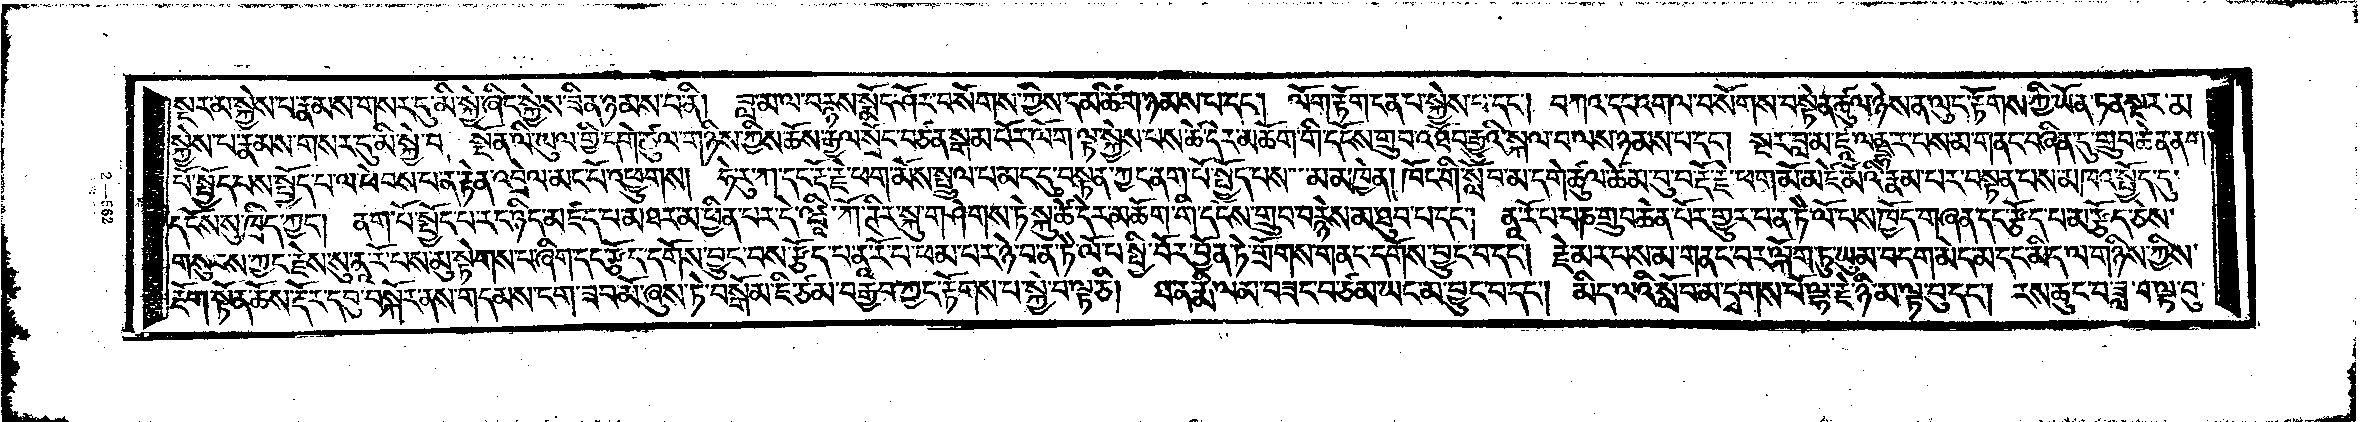སྔར་མ་སྐྱེས་པ་རྣམས་གསར་དུ་མི་སྐྱེ་ཞིང་སྐྱེས་ཟིན་ཉམས་པ་ནི། བླ་མ་ལ་བརྙས་སྨོད་ཤོར་པ་སོགས་ཀྱིས་དམ་ཚིག་ཉམས་པ་དང་། ལོག་རྟོག་ངན་པ་སྐྱེས་པ་དང་། བཀའ་དང་འགལ་བ་སོགས་བསྟེན་ཚུལ་ཉེས་ན་ལུང་རྟོགས་ཀྱི་ཡོན་ཏན་སྔར་མ་
སྐྱེས་པ་རྣམས་གསར་དུ་མི་སྐྱེ་བ་སྔོན་ལི་ཡུལ་གྱི་དགེ་ཚུལ་གཉིས་ཀྱིས་ཆོས་རྒྱལ་སྲོང་བཙན་སྒམ་པོར་ལོག་ལྟ་སྐྱེས་པས་ཚེ་དེར་མཆོག་གི་དངོས་གྲུབ་འཐོབ་རྒྱུའི་སྐལ་བ་ལས་ཉམས་པ་དང་། སྔར་བླ་མ་ཛཱ་ལནྡྷ་ར་བསམ་གནང་བཞིན་དུ་གྲུབ་ཆེན་ནག་
པོ་སྤྱོད་པས་སྤྱོད་པ་ལ་ཕེབས་པ་ན་རྟེན་འབྲེལ་མང་པོ་འཕྱུགས། ཧེ་རུ་ཀ་དང་རྡོ་རྗེ་ཕག་མོས་སྤྲུལ་པ་མང་དུ་བསྟན་ཀྱང་ནག་པོ་སྤྱོད་པས་མ་མཁྱེན། ཁོང་གི་སློབ་མ་དགེ་ཚུལ་ཚེམ་བུ་བ་རྡོ་རྗེ་ཕག་མོ་མཛེ་མོའི་རྣམ་པར་བསྟན་པས་མཁའ་སྤྱོད་དུ་
དངོས་སུ་ཁྲིད་ཀྱང་། ནག་པོ་སྤྱོད་པ་རང་ཉིད་མཛད་པ་མཐར་མ་ཕྱིན་པར་དེ་ཝཱི་ཀོ་ཊི་ར་སྐུ་གཤེགས་ཏེ་སྐུ་ཚེ་དེར་མཆོག་གི་དངོས་གྲུབ་བརྙེས་མ་ཐུབ་པ་དང་། ནཱ་རོ་པ་པཎ་གྲུབ་ཆེན་པོར་གྱུར་པ་ན་ཏཻ་ལོ་པས་ཁྱོད་གཞན་དང་རྩོད་པ་མ་རྩོད་ཅེས་
གསུངས་ཀྱང་རྗེས་སུ་ནཱ་རོ་པས་མུ་སྟེགས་པ་ཞིག་དང་རྩོད་དགོས་བྱུང་བས་རྩོད་པ་ནཱ་རོ་པ་ཕམ་པར་ཉེ་བ་ན་ཏཻ་ལོ་པ་སྤྱི་བོར་བྱོན་ཏེ་གྲོགས་གནད་དགོས་བྱུང་བ་དང་། རྗེ་མར་པས་མ་གནང་བར་ལྐོག་ཏུ་ཡུམ་བདག་མེད་མ་དང་མིད་ལ་གཉིས་ཀྱིས་
རྡོག་སྟོན་ཆོས་རྡོར་དབུ་བསྐོར་ནས་གདམས་ངག་ཟབ་མོ་ཞུས་ཏེ་བསྒོམ་ཇི་ཙམ་བརྒྱབ་ཀྱང་རྟོགས་པ་སྐྱེ་བ་ལྟ་ཅི། ཐ་ན་རྨི་ལམ་བཟང་བ་ཙམ་ཡང་མ་བྱུང་བ་དང་། མིད་ལའི་སློབ་མ་དྭགས་པོ་ལྷ་རྗེ་ཉི་མ་ལྟ་བུ་དང་། རས་ཆུང་བ་ཟླ་བ་ལྟ་བུ་